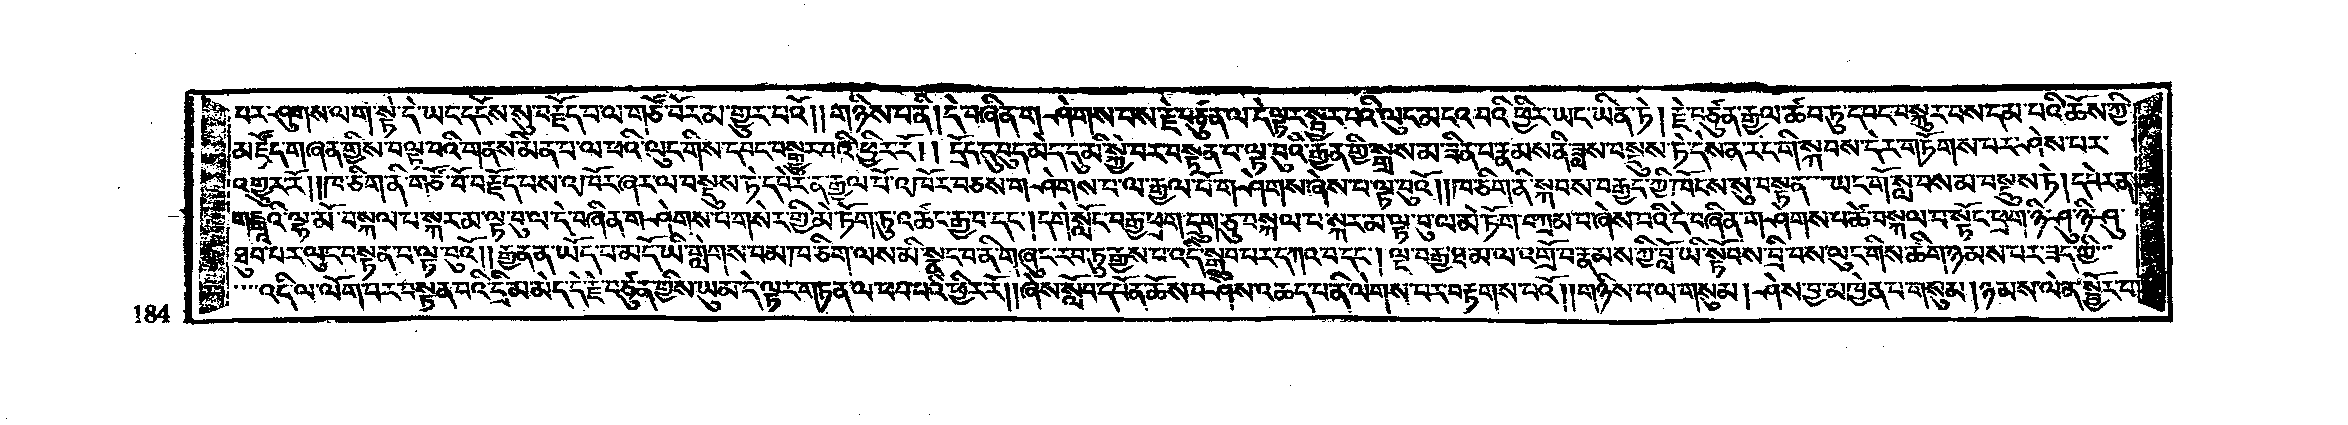པར་ཤུགས་ལ་གེ་སྟེ་དེ་ཡང་དངོས་སུ་བརྗོད་པ་ལ་གཙོ་བོར་མ་གྱུར་པའོ། །གཉིས་པ་ནི། དེ་བཞིན་གཤེགས་པས་རྗེ་བཙུན་ལ་དེ་ལྟར་སྦྱར་བའི་ལུང་མངའ་བའི་ཕྱིར་ཡང་ཡིན་ཏེ། རྗེ་བཙུན་རྒྱལ་ཚབ་ཏུ་དབང་བསྐུར་བས་དམ་པའི་ཆོས་ཀྱི་
མཛོད་གཞན་གྱིས་བལྟ་བའི་གནས་མིན་པ་ལ་ཕའི་ལུང་གིས་དབང་བསྒྱུར་བའི་ཕྱིར་རོ། །དྲོད་དུ་བུད་མེད་དུ་མི་སྐྱེ་བར་བསྟན་པ་ལྟ་བུའི་རྒྱན་གྱི་སྒྲས་མ་ཟིན་པ་རྣམས་ནི་ཟླས་བསྡུས་ཏེ་དེས་ན་རང་གི་སྐབས་དེར་གཏོགས་པར་ཤེས་པར་
འགྱུར་རོ། །ཁ་ཅིག་ནི་གཙོ་བོ་བརྗོད་པས་འཁོར་ཞར་ལ་བསྡུས་ཏེ་དཔེར་ན་རྒྱལ་པོ་འཁོར་བཅས་གཤེགས་པ་ལ་རྒྱལ་པོ་གཤེགས་ཞེས་པ་ལྟ་བུའོ། །ཁ་ཅིག་ནི་སྐབས་བརྒྱད་ཀྱི་ཁོངས་སུ་བསྟན་ཡང་གོ་སླ་བས་མ་བསྡུས་ཏེ། དཔེར་ན་
གངྒཱའི་ལྷ་མོ་བསྐལ་པ་སྐར་མ་ལྟ་བུ་ལ་དེ་བཞིན་གཤེགས་པ་གསེར་གྱི་མེ་ཏོག་ཏུ་འཚང་རྒྱ་བ་དང་། དགེ་སློང་བརྒྱ་ཕྲག་དྲུག་ཅུ་བསྐལ་པ་སྐར་མ་ལྟ་བུ་ལ་མེ་ཏོག་བཀྲམ་པ་ཞེས་པའི་དེ་བཞིན་གཤེགས་པ་ཚེ་བསྐལ་པ་སྟོང་ཕྲག་ཉི་ཤུ་ཉི་ཤུ་
ཐུབ་པར་ལུང་བསྟན་པ་ལྟ་བུའོ། །རྒྱན་ན་ཡོད་པ་མདོ་ཡི་གླེགས་བམ་ཁ་ཅིག་ལས་མི་སྣང་བ་ནི་གཞུང་རབ་ཏུ་རྒྱས་པ་འདི་སྒྲུབ་པར་དཀའ་བ་དང་། ལྔ་བརྒྱ་ཐ་མ་ལ་འགྲོ་བ་རྣམས་ཀྱི་བློ་ཡི་སྟོབས་བྲི་བས་ལུང་གིས་ཚིག་ཉམས་པར་ཟད་ཀྱི་
འདི་ལ་ལོག་པར་བསྟན་པའི་དྲི་མ་མེད་དེ་རྗེ་བཙུན་གྱིས་ཡུམ་དེ་ལྟར་གཏན་ལ་ཕབ་པའི་ཕྱིར་རོ། །ཞེས་སློབ་དཔོན་ཆོས་བཤེས་འཆད་པ་ནི་ལེགས་པར་བརྟགས་པའོ། །གཉིས་པ་ལ་གསུམ། ཤེས་བྱ་མཁྱེན་པ་གསུམ། ཉམས་ལེན་སྦྱོར་བ་